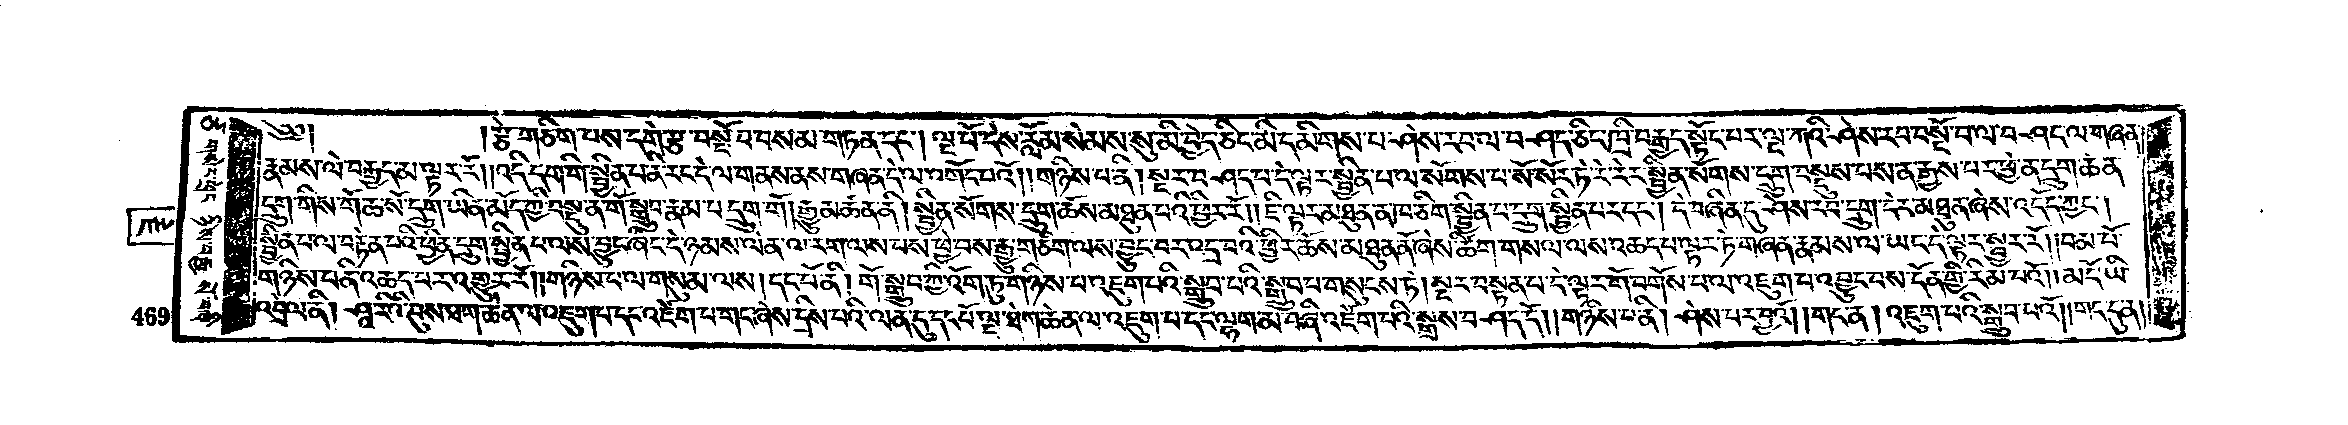༄༅། །རྩེ་གཅིག་པས་དགེ་རྩ་བསྔོ་བ་བསམ་གཏན་དང་། ལྔ་པོ་དེས་རློམ་སེམས་སུ་མི་བྱེད་ཅིང་མི་དམིགས་པ་ཤེས་རབ་ལ་བཤད་ཅིང་ཁྲི་བརྒྱད་སྟོང་པར་ལྔ་ཀའི་ཤེས་རབ་བསྔོ་བ་ལ་བཤད་ལ་གཞན་
རྣམས་ལེ་བརྒྱད་མ་ལྟར་རོ། །འདི་དག་གི་སྦྱིན་པ་ནི་རང་དེ་ལ་གནས་ནས་གཞན་དེ་ལ་འགོད་པའོ། །གཉིས་པ་ནི། སྔར་བཤད་པ་དེ་ལྟར་སྦྱིན་པ་ལ་སོགས་པ་སོ་སོར་ཏེ་རེ་རེར་སྦྱིན་སོགས་དྲུག་བསྡུས་པས་ན་རྒྱས་པར་ཕྱེ་ན་དྲུག་ཚན་
དྲུག་གིས་གོ་ཆ་སོ་དྲུག་ཡིན་མོད་ཀྱི་བསྡུ་ན་གོ་སྒྲུབ་རྣམ་པ་དྲུག་གོ །རྒྱུ་མཚན་ནི། སྦྱིན་སོགས་དྲུག་ཆོས་མཐུན་པའི་ཕྱིར་རོ། །ཇི་ལྟར་མཐུན་ན་ཁ་ཅིག་སྦྱིན་པ་དྲུག་སྦྱིན་པར་དང་། དེ་བཞིན་དུ་ཤེས་རབ་དྲུག་དེར་མཐུན་ཞེས་འདོད་ཀྱང་།
སྦྱིན་པ་ལ་བརྟེན་པའི་ཕྱིན་དྲུག་སྦྱིན་པ་ལས་བྱུང་ཞིང་དེ་ཉམས་ལེན་ལ་རག་ལས་པས་ཕྱེ་བས་རྒྱུ་གཅིག་ལས་བྱུང་བར་འདྲ་བའི་ཕྱིར་ཆོས་མཐུན་ནོ་ཞེས་ཚིག་གསལ་ལས་འཆད་པ་ལྟར་ཏེ་གཞན་རྣམས་ལ་ཡང་དེ་ལྟར་སྦྱར་རོ། །བམ་པོ་
གཉིས་པ་ནི་འཆད་པར་འགྱུར་རོ། །གཉིས་པ་ལ་གསུམ་ལས། དང་པོ་ནི། གོ་སྒྲུབ་ཀྱི་འོག་ཏུ་གཉིས་པ་འཇུག་པའི་སྒྲུབ་པའི་སྒྲུབ་པ་གསུངས་ཏེ། སྔར་བསྟན་པ་དེ་ལྟར་གོ་བགོས་པ་ལ་འཇུག་པ་འབྱུང་བས་དོན་གྱི་རིམ་པའོ། །མདོ་ཡི་
འབྲེལ་ནི། ཤཱ་རིའི་བུས་ཐེག་ཆེན་ལ་འཇུག་པ་དང་འཇོག་པ་གང་ཞེས་དྲིས་པའི་ལན་དུ་དང་པོ་ལྔ་ཐེག་ཆེན་ལ་འཇུག་པ་དང་ལྷག་མ་བཞི་འཇོག་པའི་སྒྲས་བཤད་དོ། །གཉིས་པ་ནི། ཤེས་པར་བྱའོ། །གང་ན། འཇུག་པའི་སྒྲུབ་པའོ། །གང་དུ་ན།